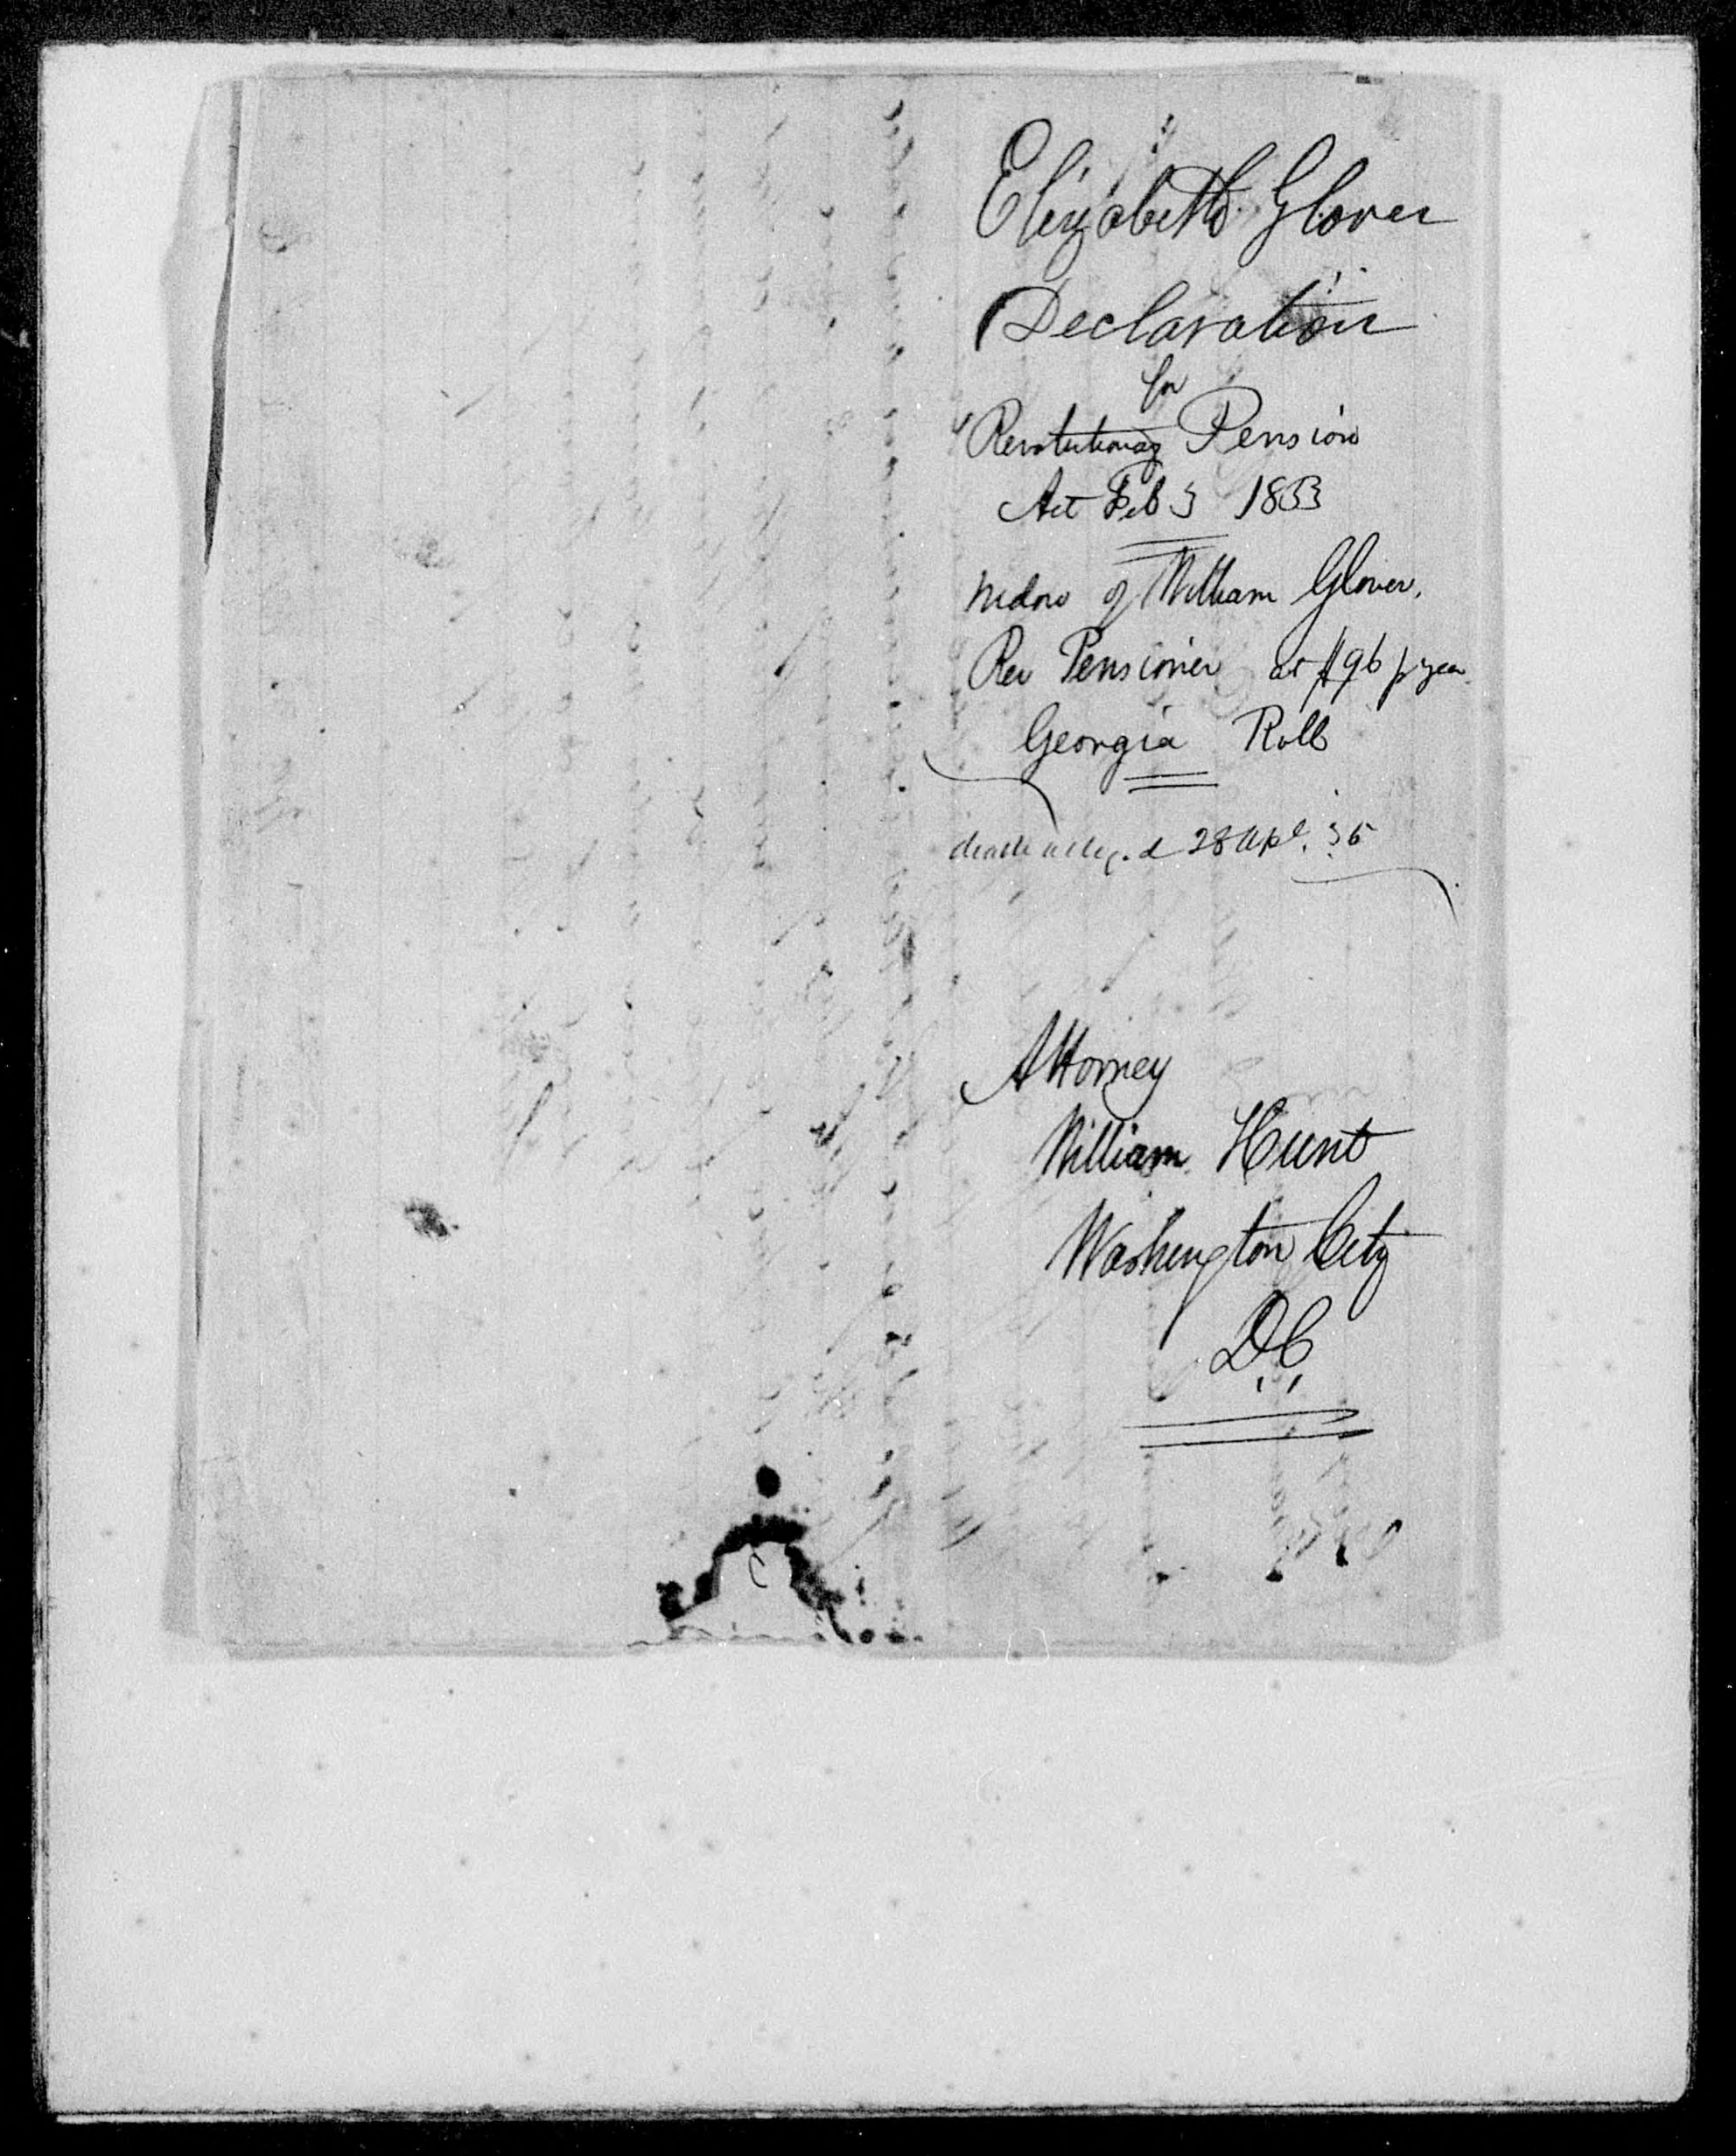Elizabeth Glover 
Declaration 
for 
Revolutionary Pensions
Act Feb. 3 1853

widow of William Glover, 
Rev Pension at $96 p year
Georgia Roll

death alleged 28 April. 56

Attorney 
William Hunt 
Washington City 
DC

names: William Hunt, Elizabeth Glover, William Glover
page: 12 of 51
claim: widow's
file: W. 929, William Glover, N.C.